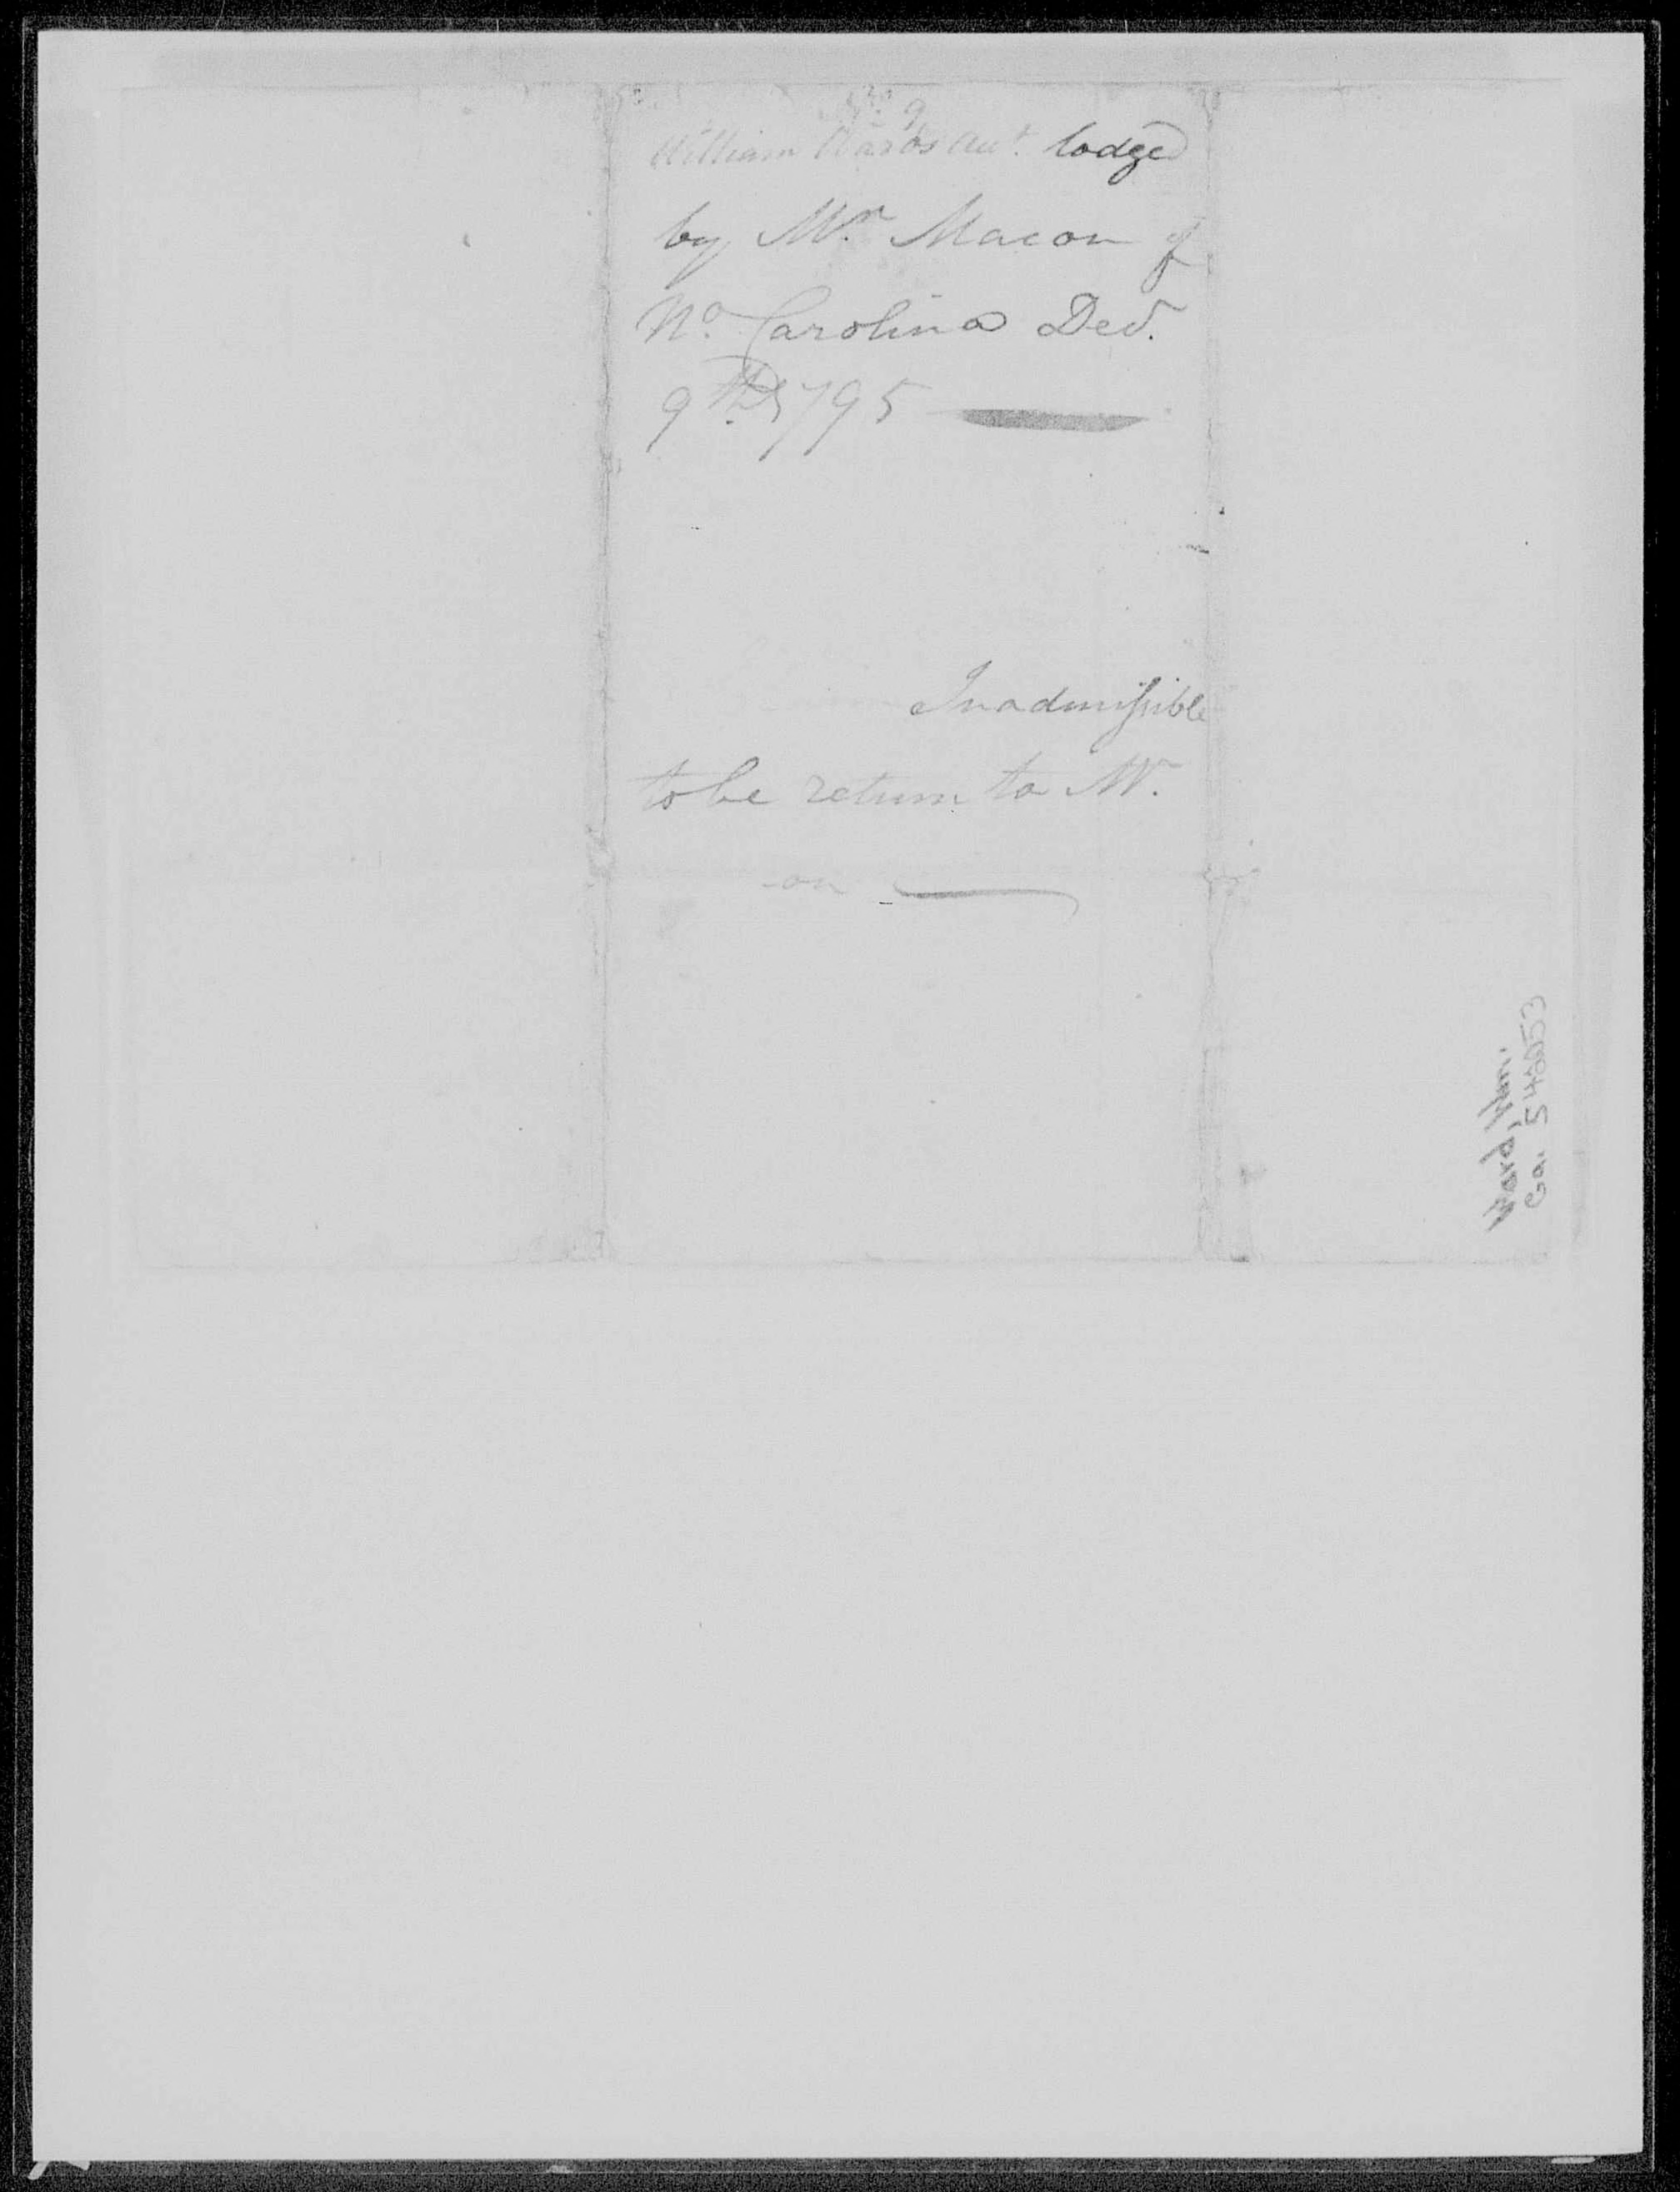[9]
William Wards Acct lodged
by Mr. Macon of
No. Carolina Decr.
9th 1795
Inadmissible
to be return to Mr.
[Macon]
Ward, Wm.
Ga. S 42053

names: Macon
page: 7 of 17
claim: survivor's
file: S. 42053, William Ward, Ga.